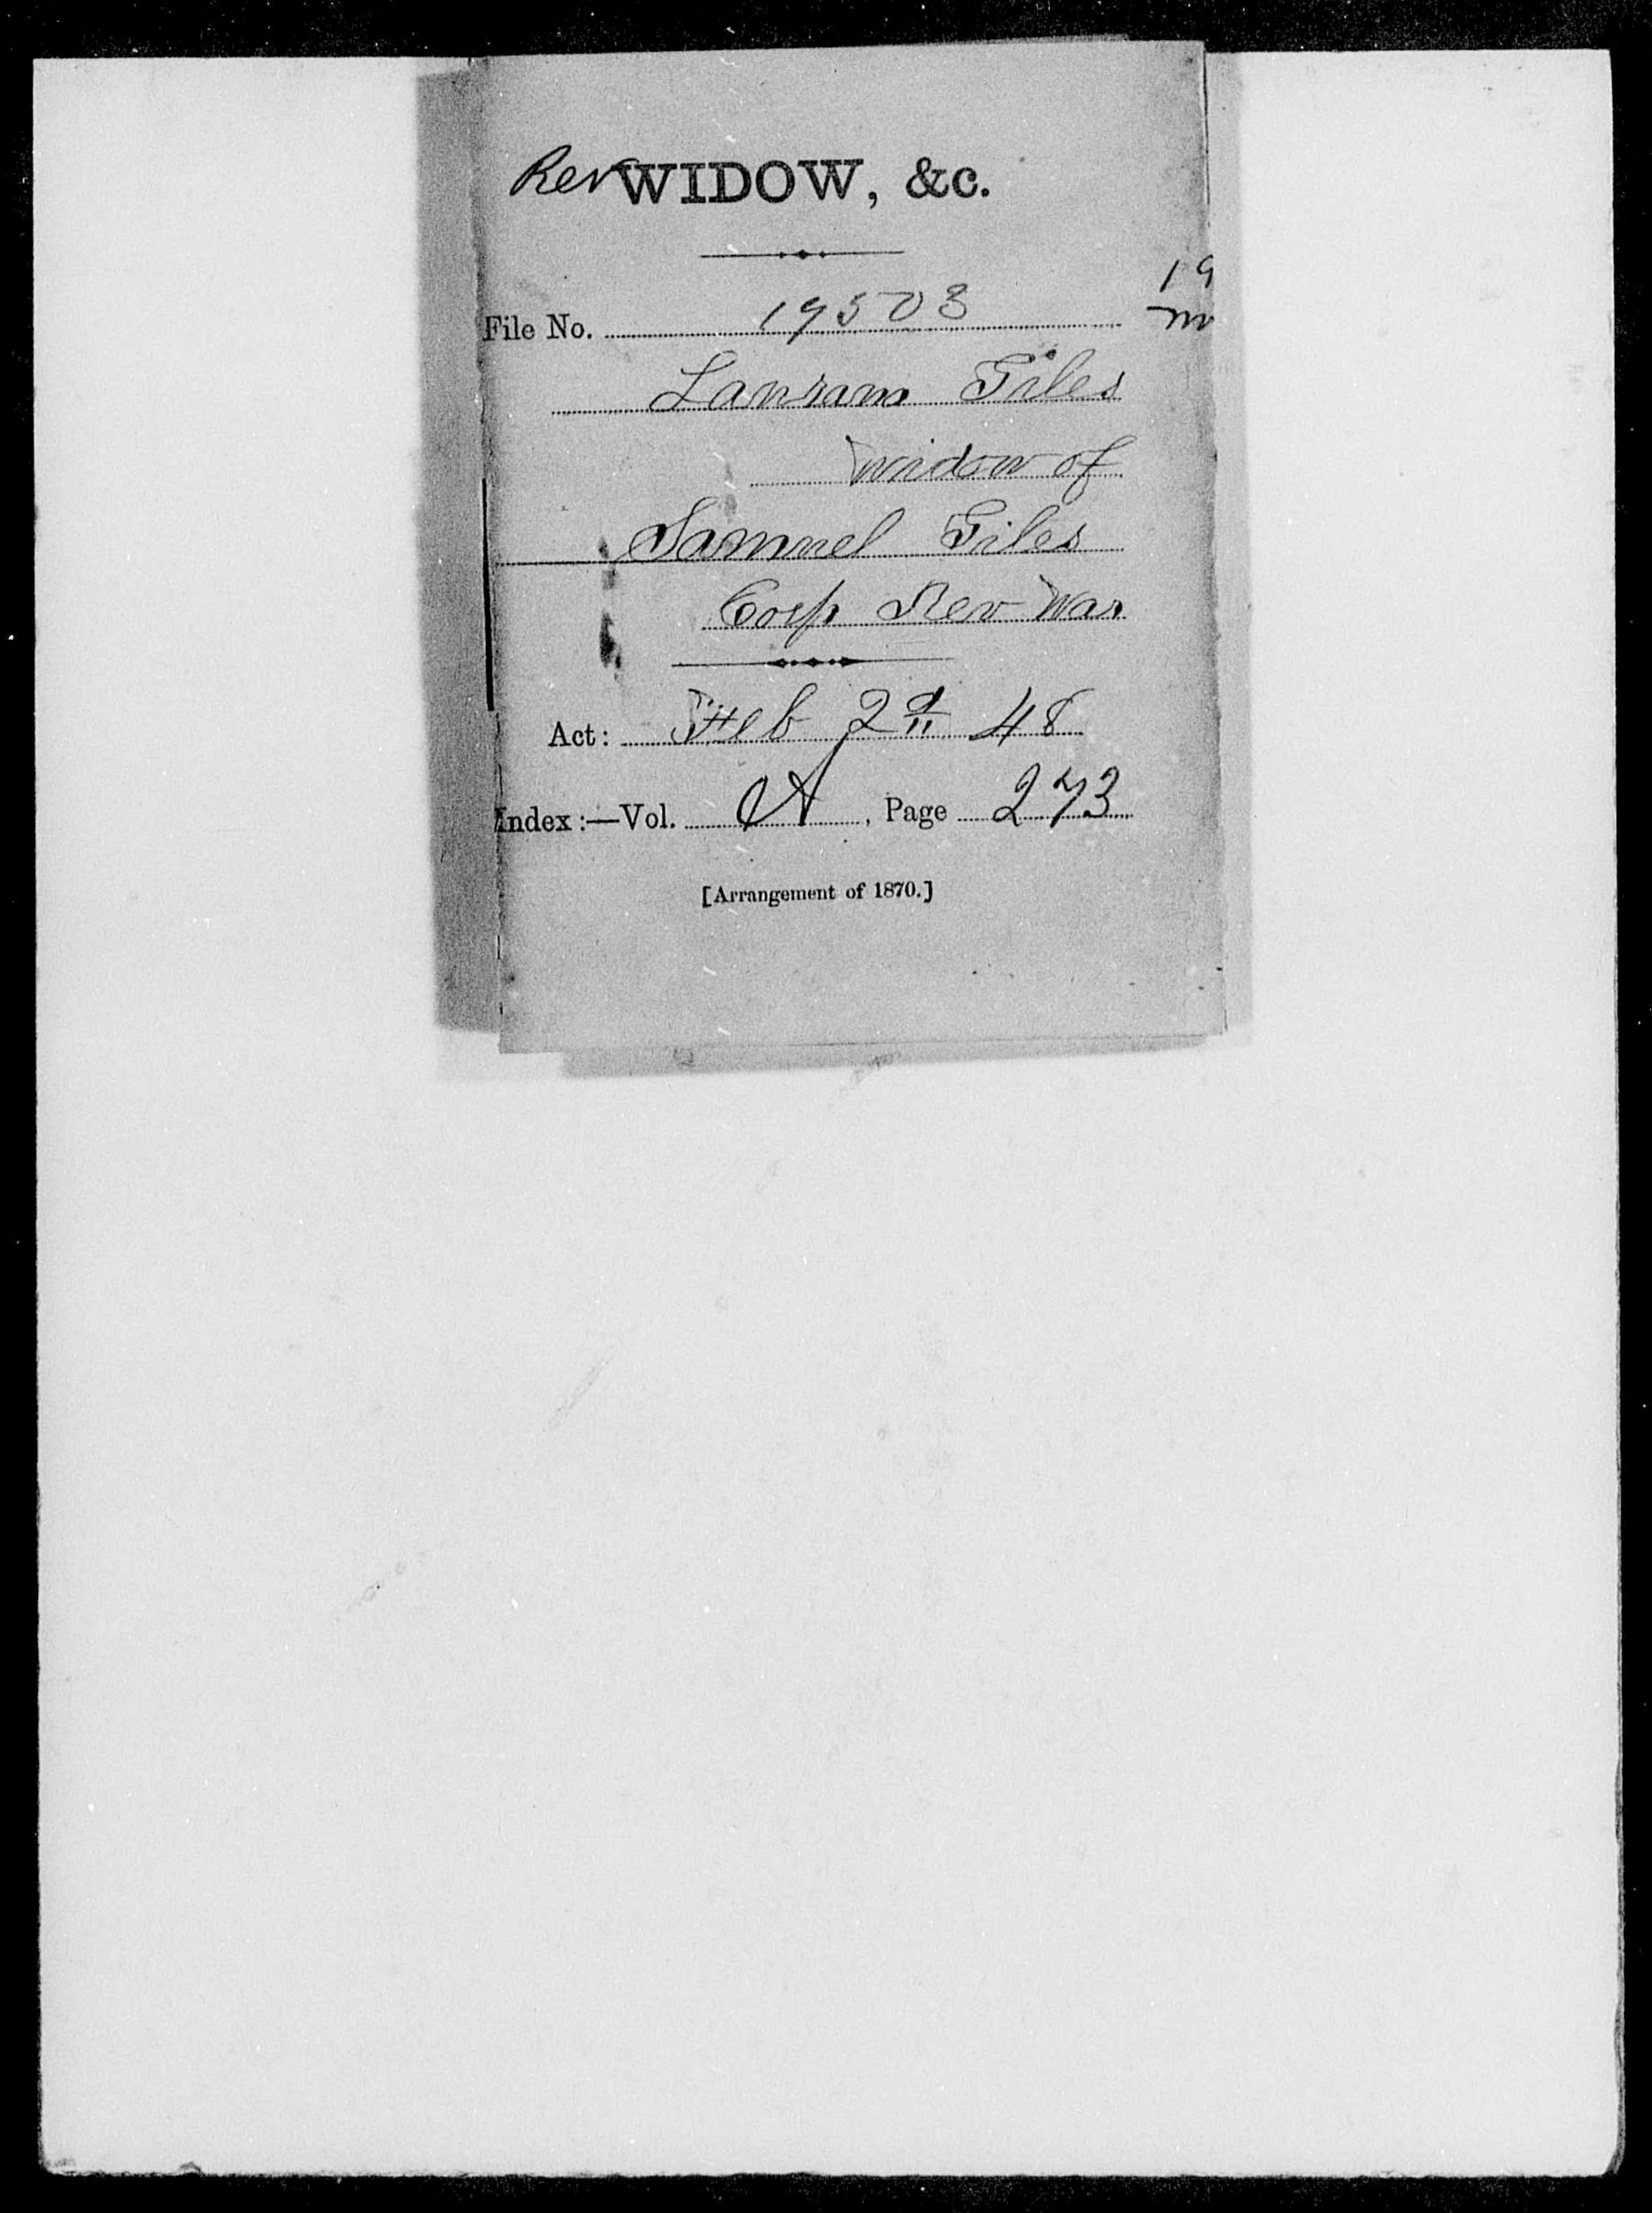[Handwritten over type: "Rev"]
[Type} WIDOW, &c
[Type] File N0. .................
19508
Laurana Giles
Widow of
Samuel Giles
Corp Rev War
[Type] Act: ......................
Feb 2 d  48[refers to pension Act of February 2, 1848]
[Type] index:----Vol. ........A...., Page ......273...
[Type} [Arrangement of 1870.]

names: Samuel Giles, Laurana Giles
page: 27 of 55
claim: widow's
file: W. 19503, Samuel Giles, Conti. Mass. New York